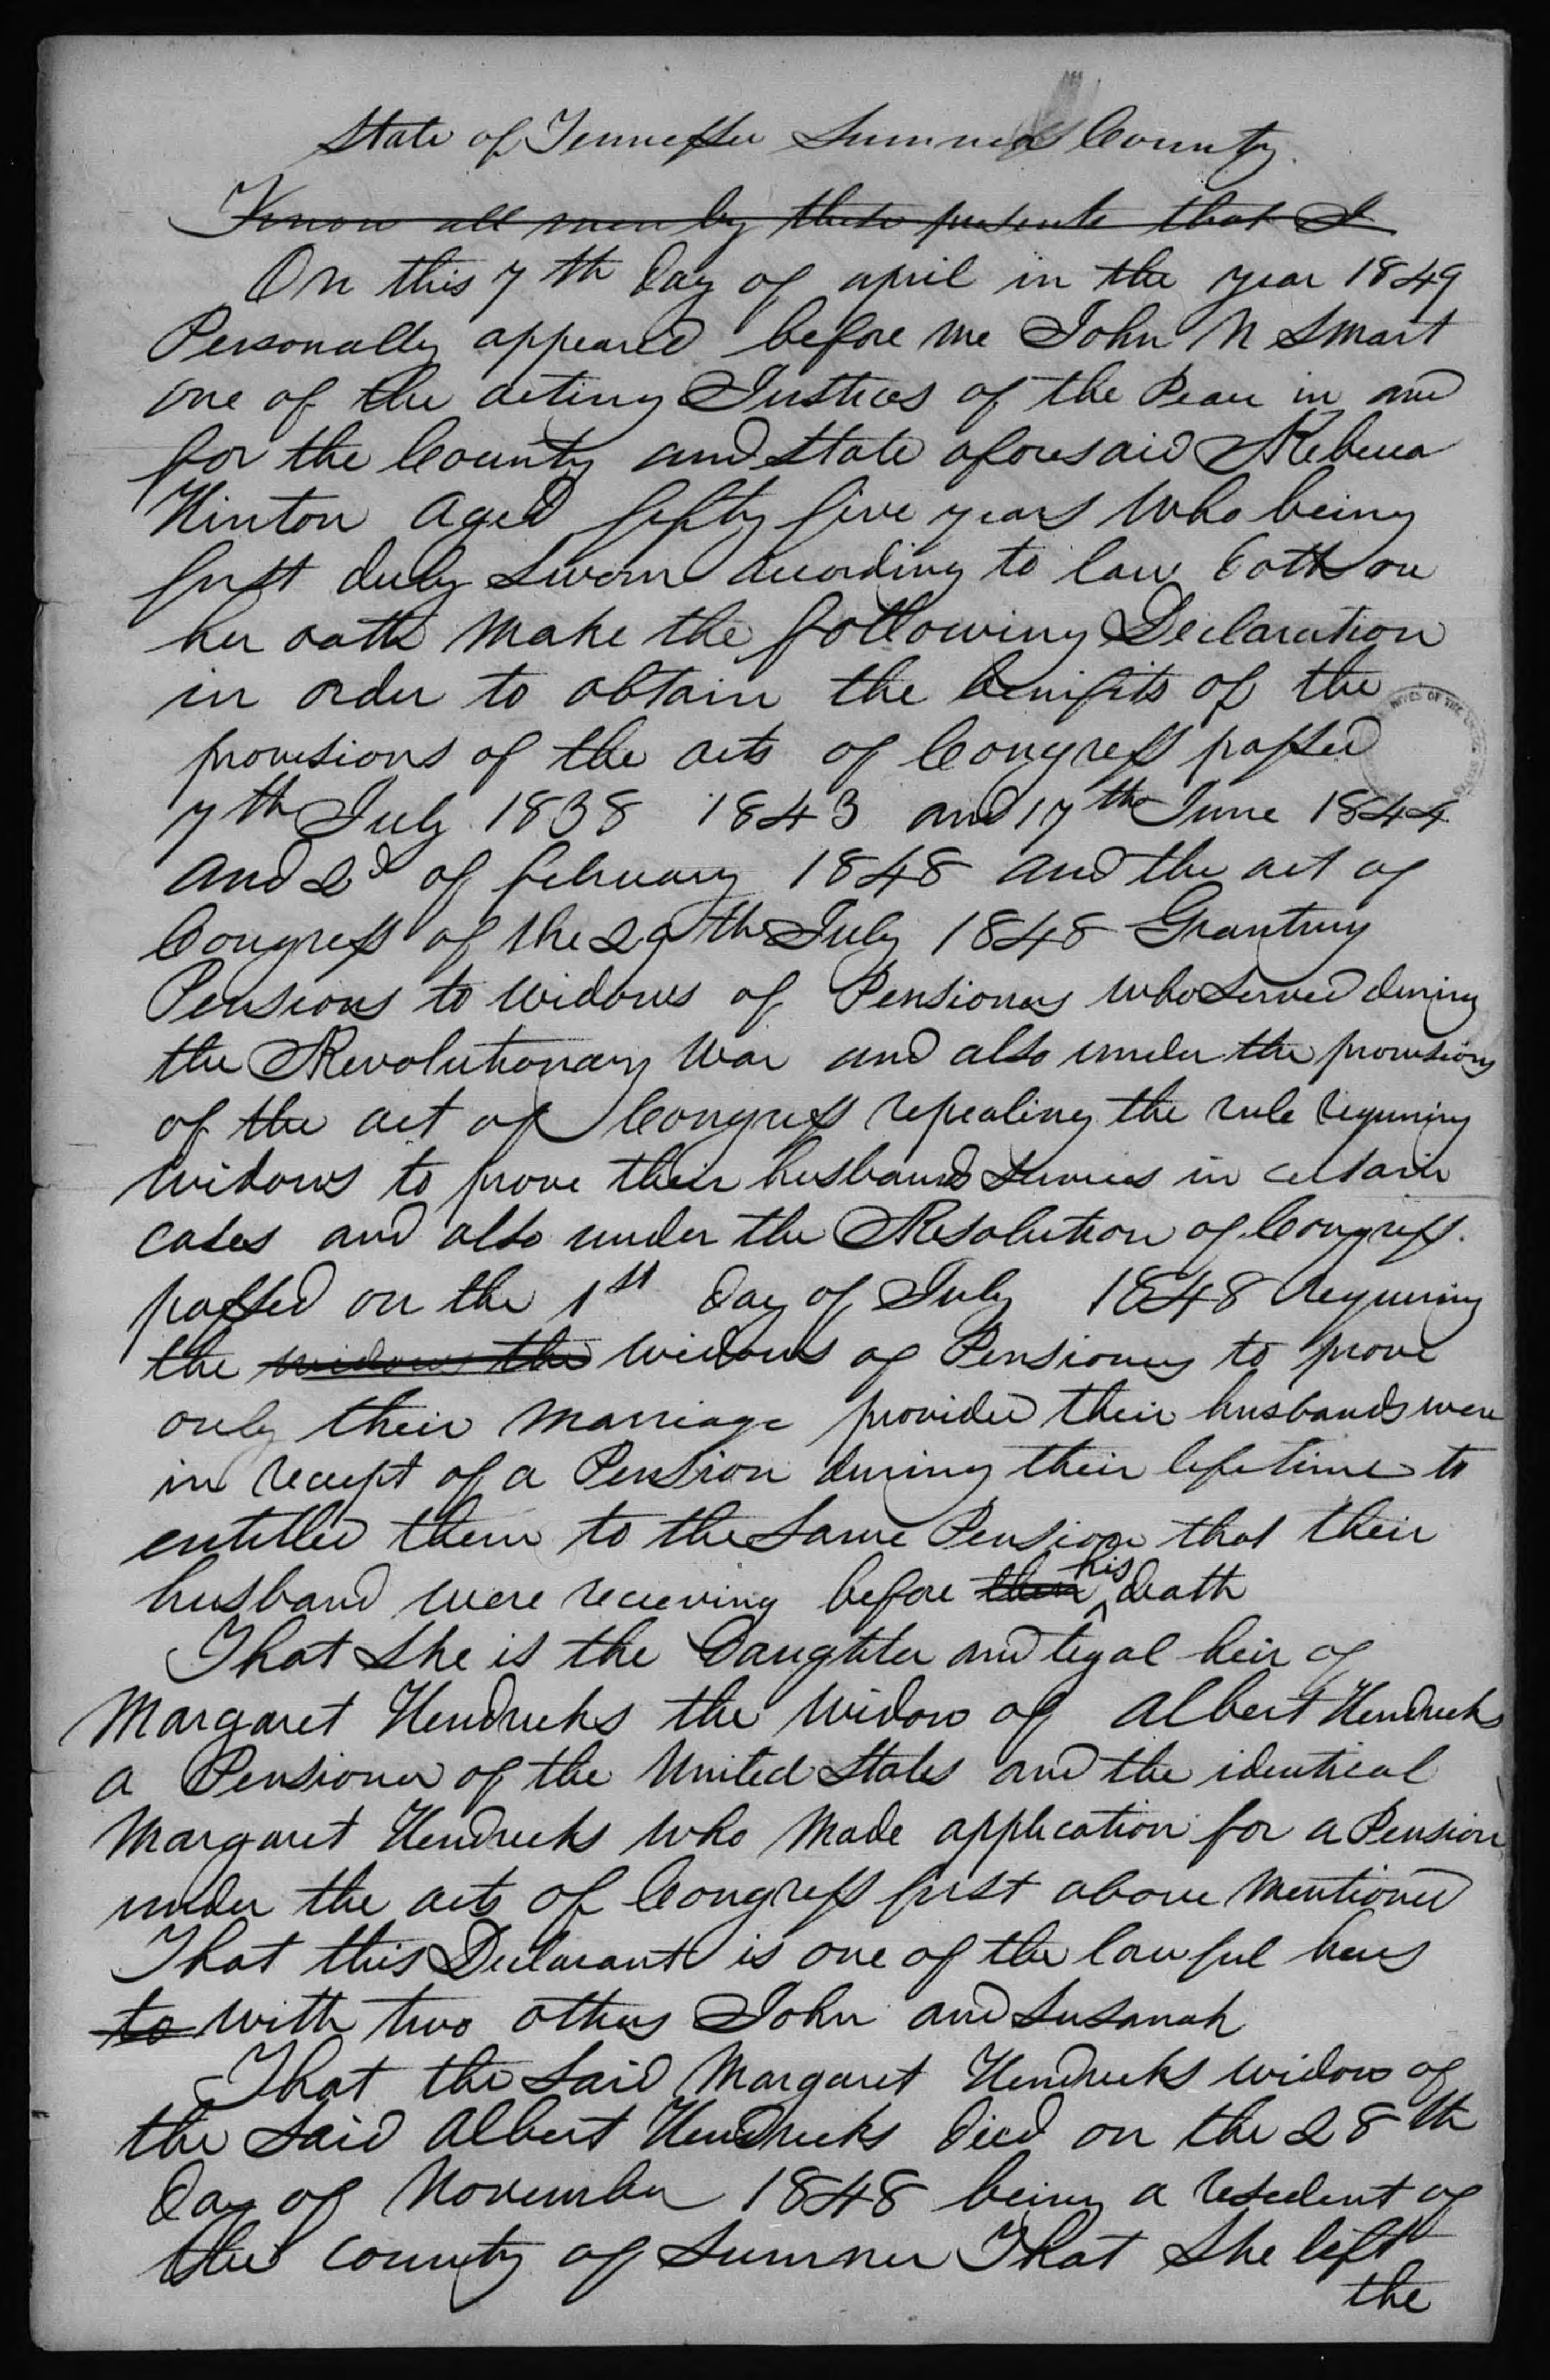State of Tennessee Sumner County 

[struck out: Know all men by these presents that I]
On this 7th day of April in the year 1849 
personally appeared before me John N Smart 
one of the acting Justices of the Peace in and 
for the County and State aforesaid Rebecca 
Hinton aged fifty five years who being 
first duly sworn according to law doth on 
her oath make the following Declaration 
in order to obtain the benefits of the 
provisions of the acts of Congress passed 
17th July 1838, 1843 and 17th June 1844 
[Circular stamp National Archives]
THE NATIONAL ARCHIVES OF THE UNITED STATES
and 2d of February 1848 and the act of 
Congress of the 29th July 1848 granting 
pensions to widows of pensioners who served during 
the Revolutionary War and also under the provisions 
of the act of Congress repealing the rule requiring 
widows to prove their husbands services in certain 
cases and also under the Resolution of Congress 
passed on the 1st day of July 1848 requiring 
the [struck out: widows the] widows of Pensioners to prove 
only their marriage provided their husbands were 
in receipt of a pension during their lifetime to 
entitle them to the same pension that their 
husband were receiving [struck out: their] his death

That she is the daughter and legal heir of 
Margaret Hendricks the widow of Albert Hendricks 
a Pensioner of the United States and the identical 
Margaret Hendricks who made application for a pension 
under the acts of Congress first above mentioned 
That this Declarant is one of the lawful heirs 
[struck out: to] with two others John and Susanah

That the said Margaret Hendricks widow of 
the said Albert Hendricks died on the 28th 
day of November 1848 being a resident of 
the County of Sumner That she left
the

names: Margaret Hendricks, Albert Hendricks, John N Smart, Margaret Hendricks, Albert Hendricks, Rebecca Hinton, Margaret Hendricks, Susanah, John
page: 66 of 76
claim: widow's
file: W. 83, Albert Hendricks, Continental Md. N.C.